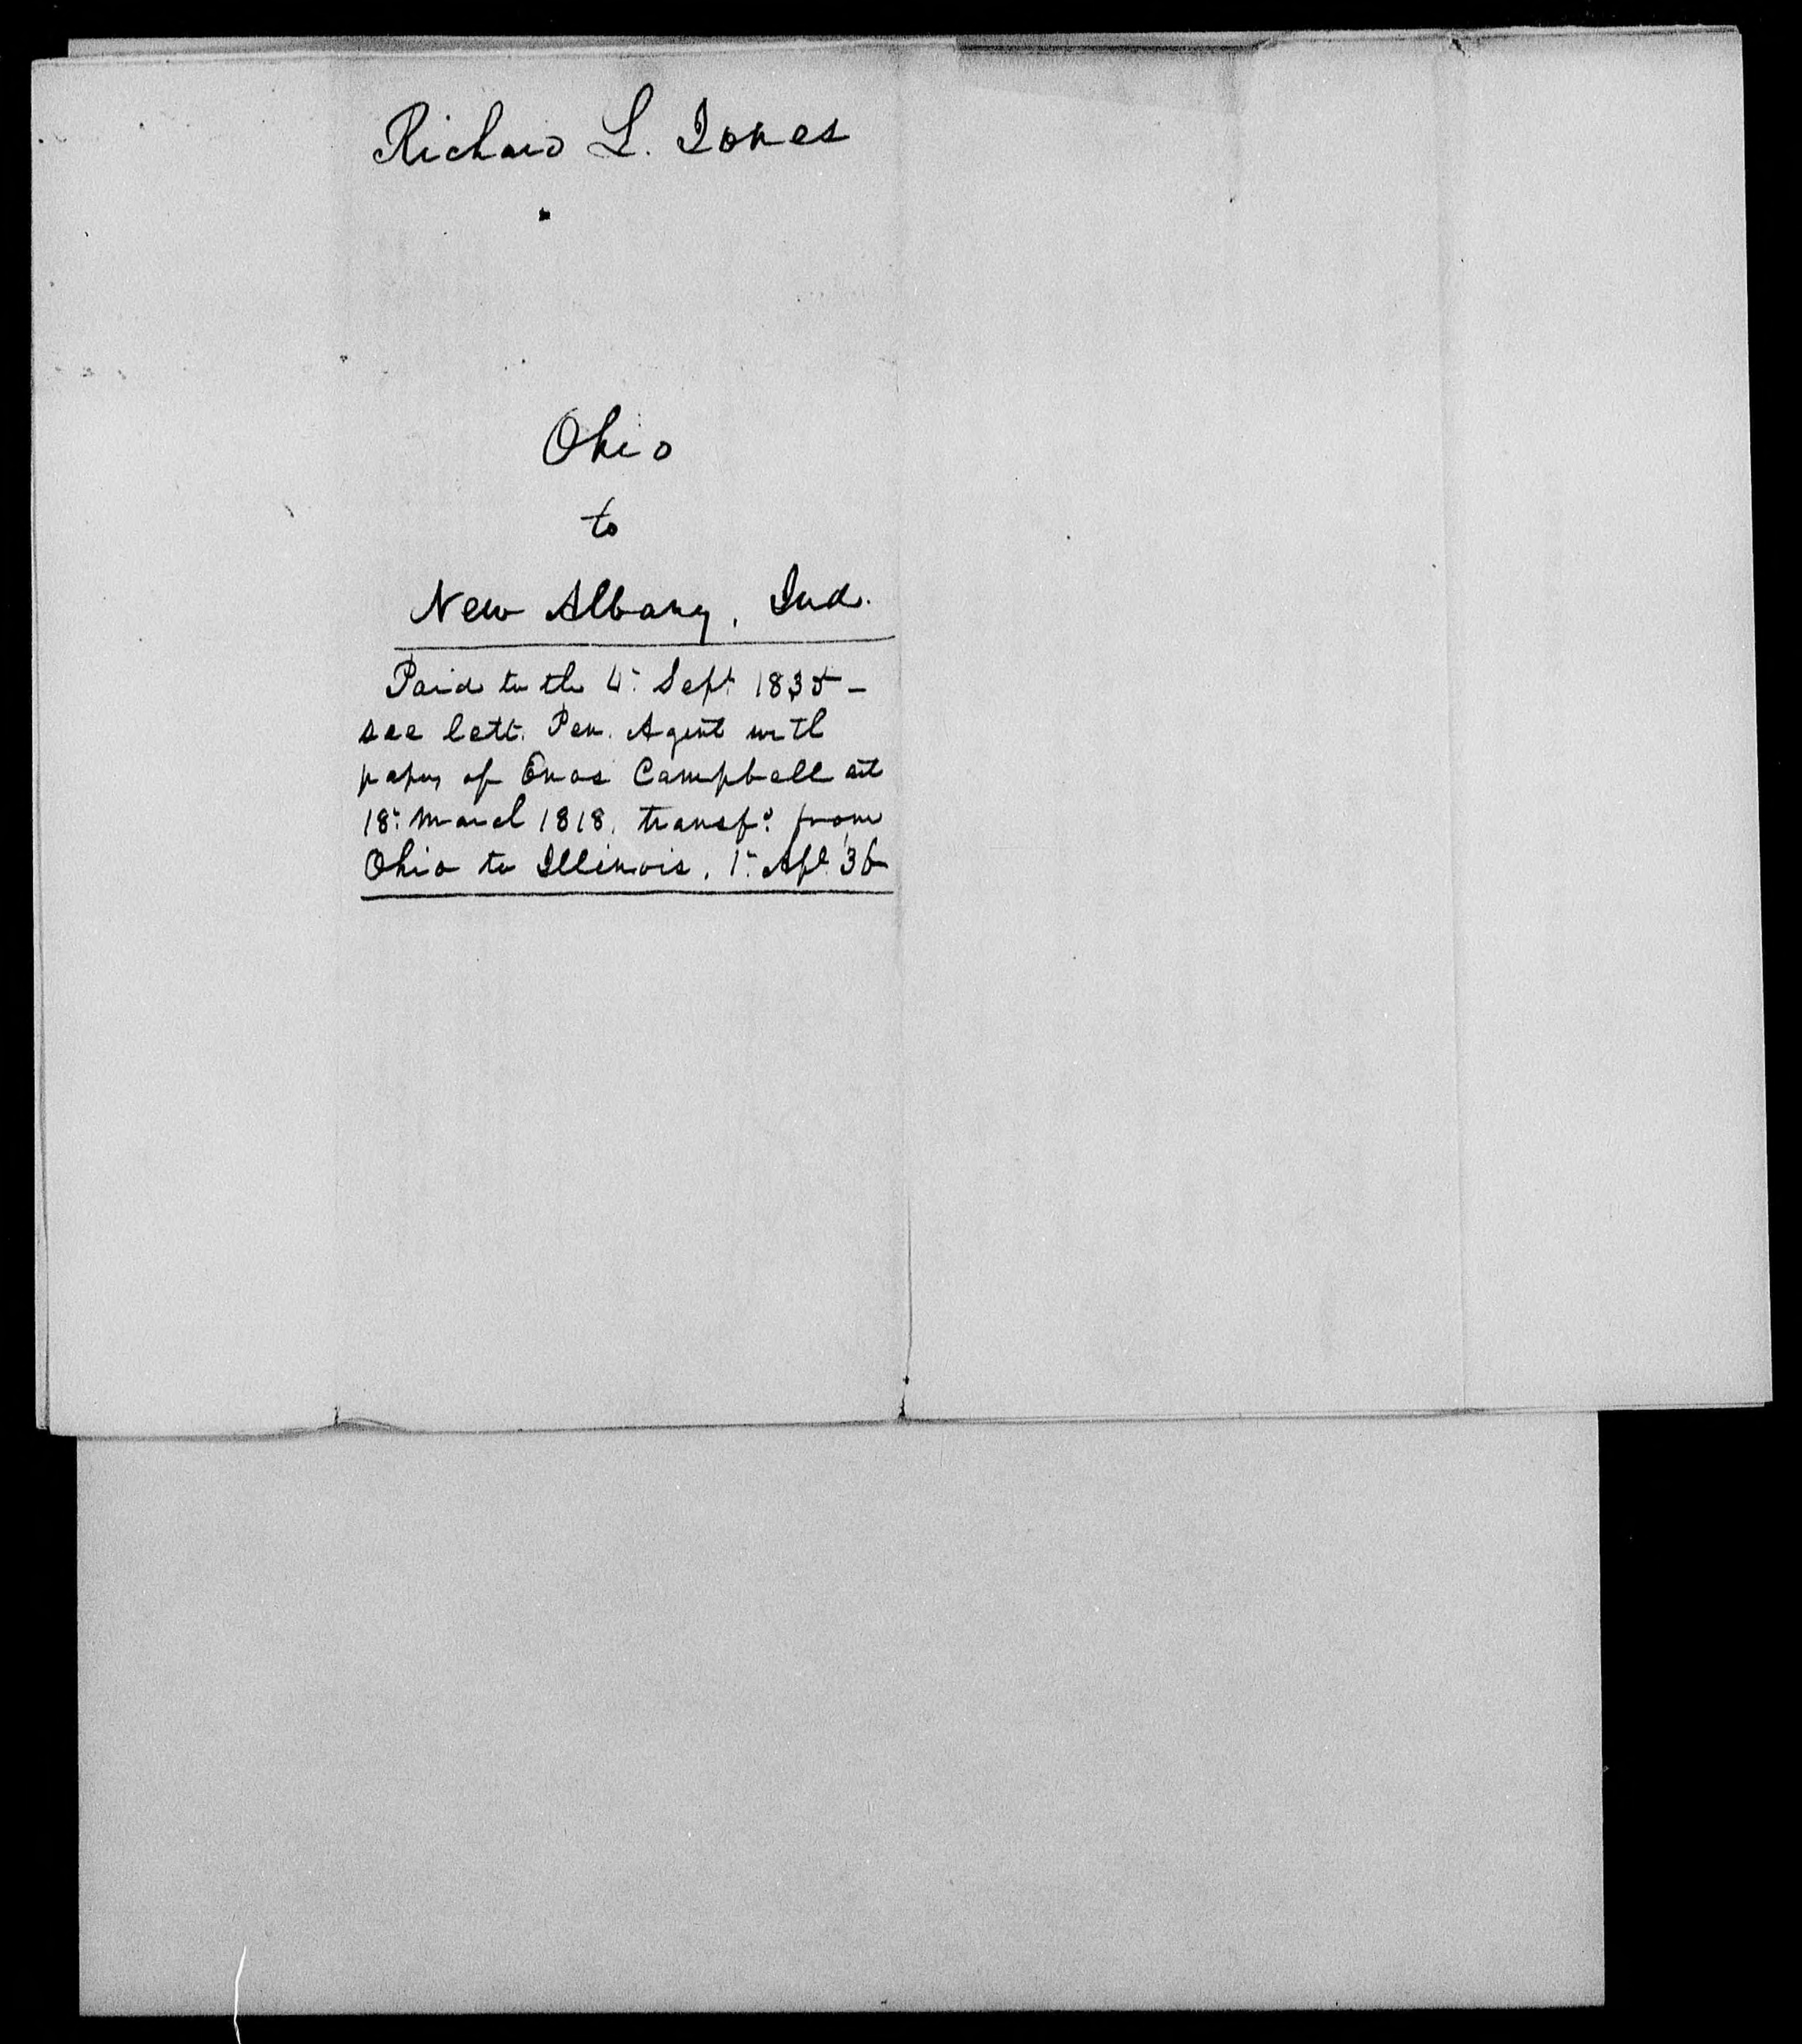Richard L. Jones
Ohio
to
New Albany, Ind
Paid to the 4th Sept 1835-
see lett, Pen. Agent will
papers of Onas Campbell at
18 March 1818, transfd from
Ohio to Illinois, 1 Apl 36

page: 51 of 62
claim: widow's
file: W. 765, for Richard L Jones, Connecticut